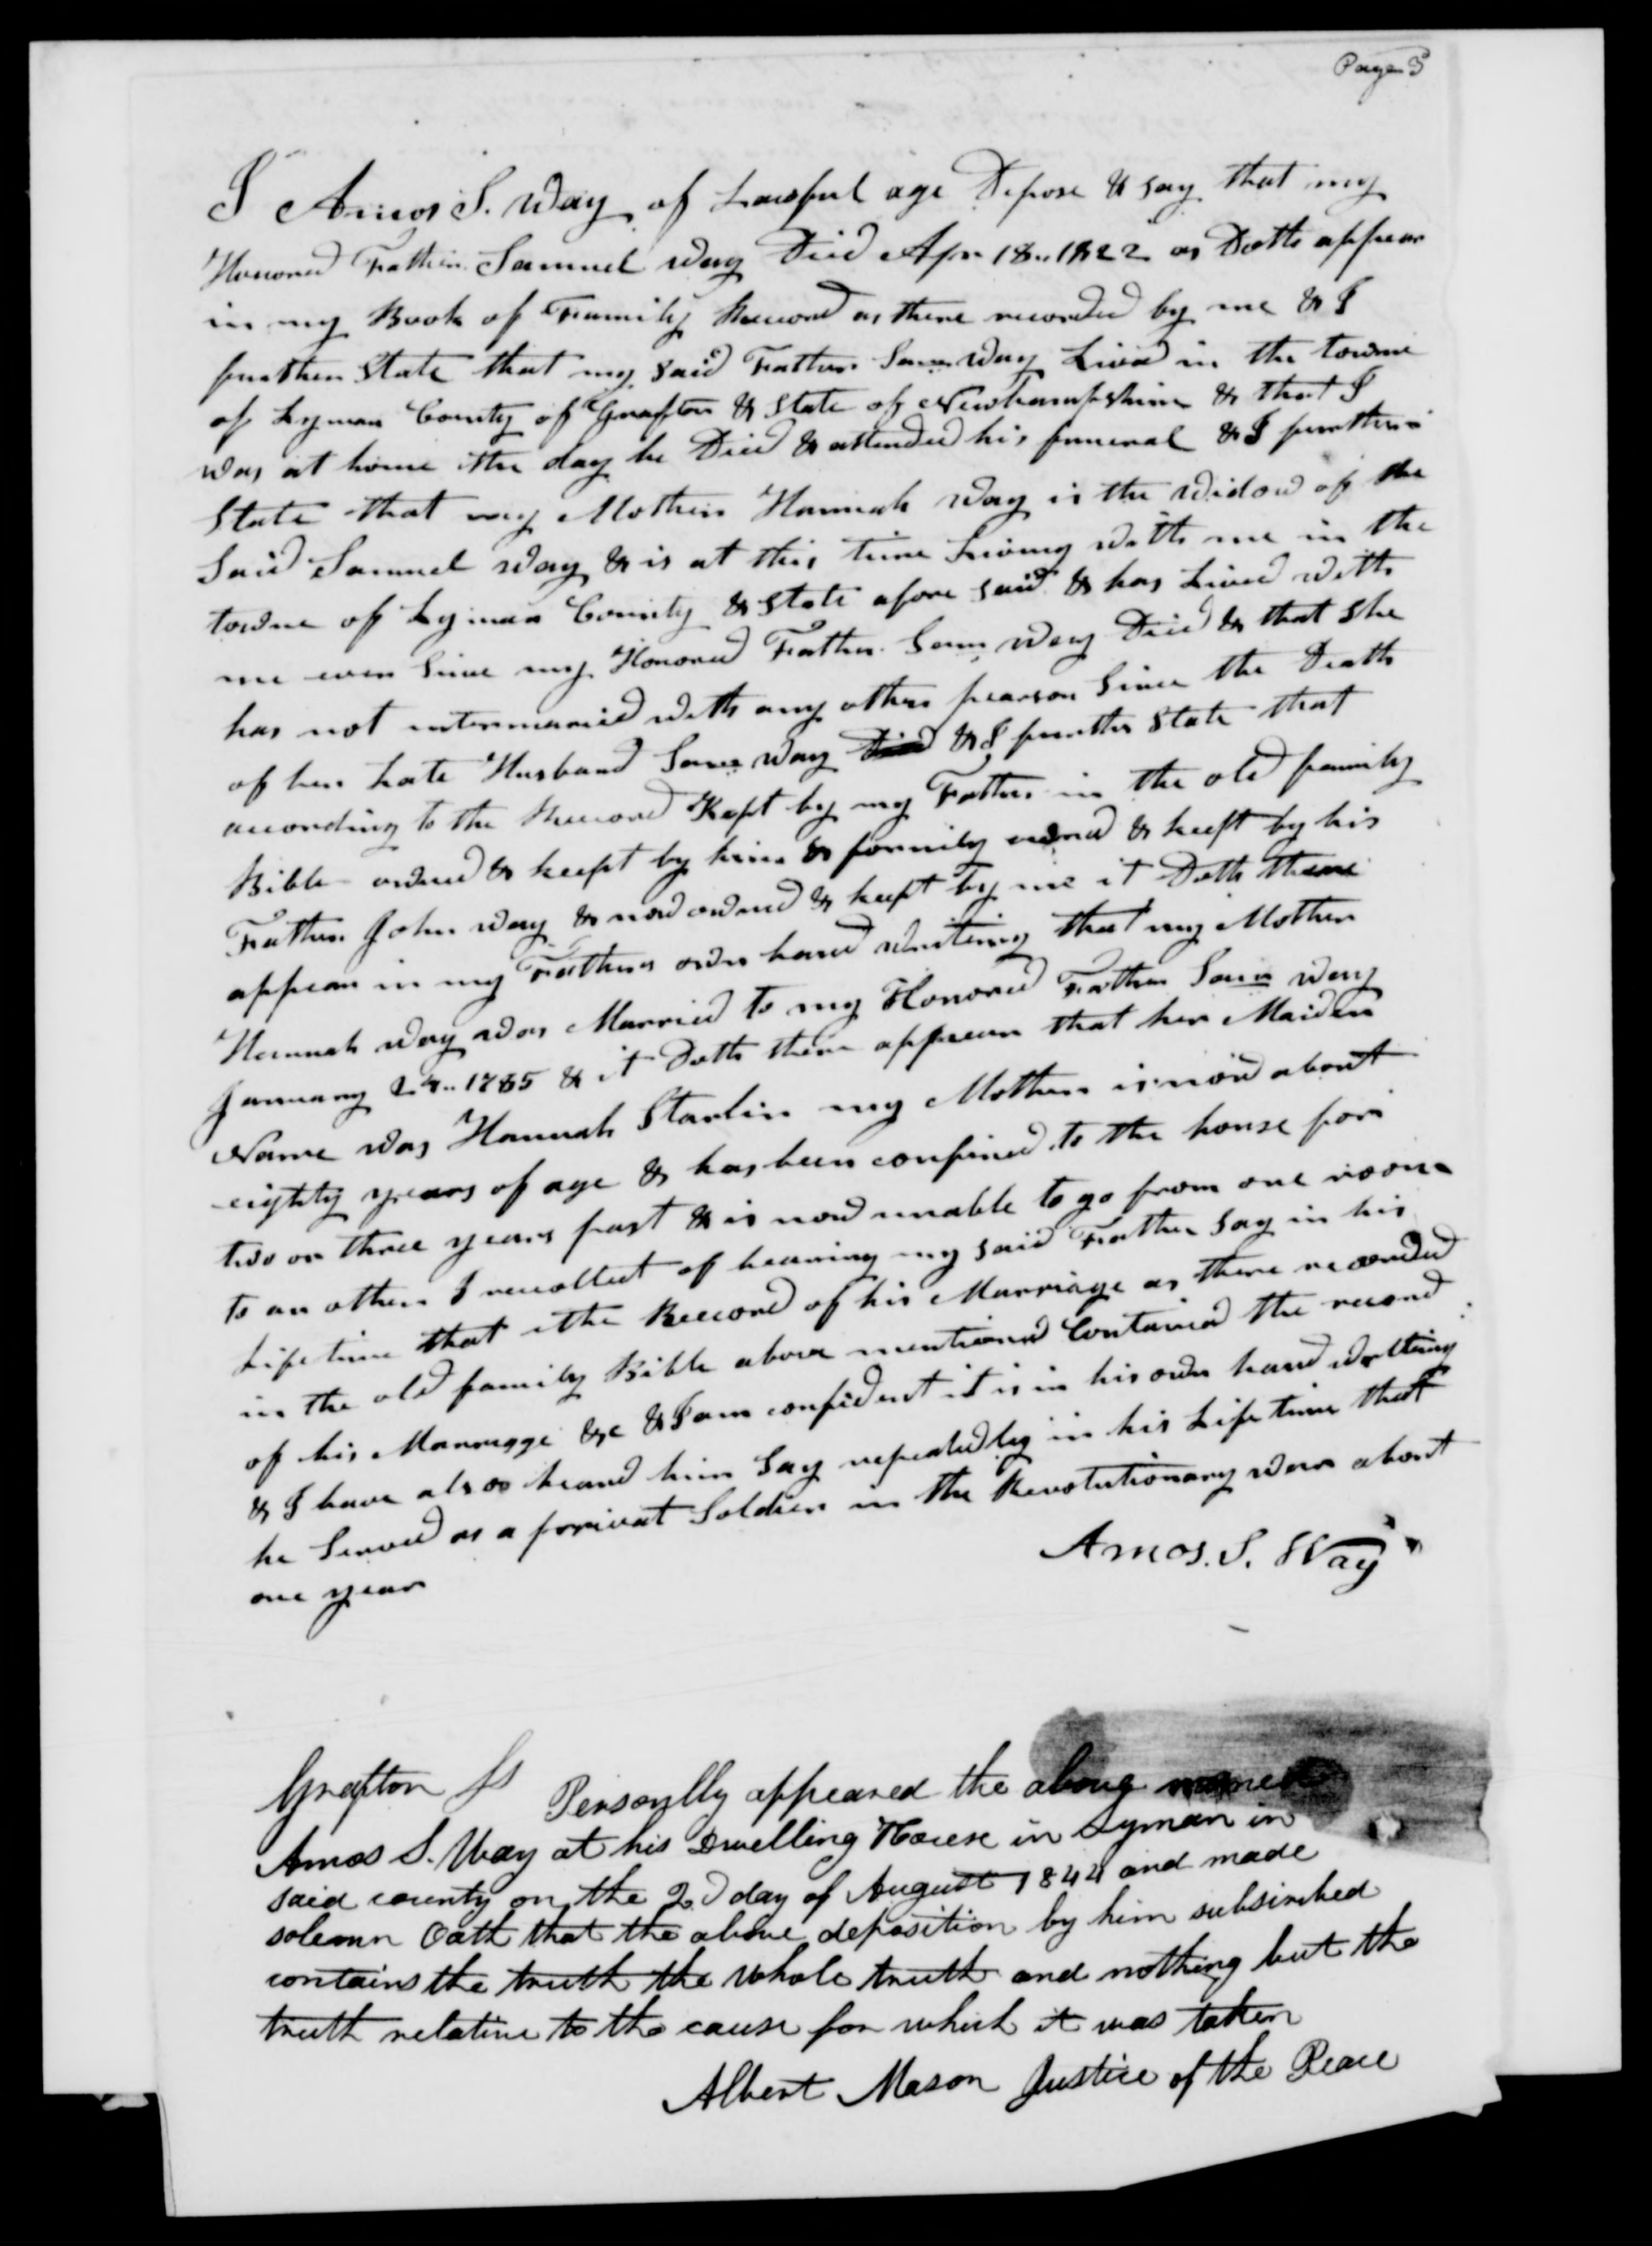Page 3
I Amos S. Way of Lawful age depose & say that my
Honored Father Samuel Way Died Apr. 18, 1822 as Doth appear
in my Book of Family Record as there recorded by me &
further state that my said Father Sam Way lived in the town of
Lyman County of Grafton & State of New Hampshire & that I
was at home the day he died & attended his funeral & I further
State that my Mother Hannah Way is the widow of the
said Samuel Way & is at this time Living with me in the
town of Lyman County & State aforesaid & has lived with me
ever since my Honored Father Sam Way died & that she
has not intermarried with any other person since the death
of her late Husband Sam Way & I further State that
according to the record kept by my Father in the old family
Bible ordered to kept by him & family owned & kept by his
Father John Way now and now owned & kept by me as it doth there
appear in my fathers own hand writing that my mother
Hannah way was Married to my Honored Father Sam Way January 24 1765 &
it doth there appear that her Maiden
same was Hannah Starlin my Mother is now about
eighty years of age & has been confined to the house for two
or three years past  & is now unable to go from one room to another.
I recollect of having my said father say in his
lifetime that the Record of his Marriage as there recorded
in the old family Bible above mentioned contained the record
and his marriage [unintelligible] and I am confident it is his own handwriting & I have also heard him
say repeatedly in his lifetime that
he served as a private Soldier in the Revolutionary war about
one year
Amos S. Way
Grafton s
Personally appeared the above
Amos S. Way at his Dwelling House in Lyman in
said county on the 2d day of August 1844 and made
solemn oath that the above deposition by him subsirked
contains the truth the whole truth and nothing but the
truth relative to the cause for which it was taken
Albert Mason Justice of the Peace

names: Hannah Way, Hannah Starlin, Albert Mason, Samuel Way, Amos S Way, John Way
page: 9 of 78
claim: widow's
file: W. 25856, Samuel Way, N.H.